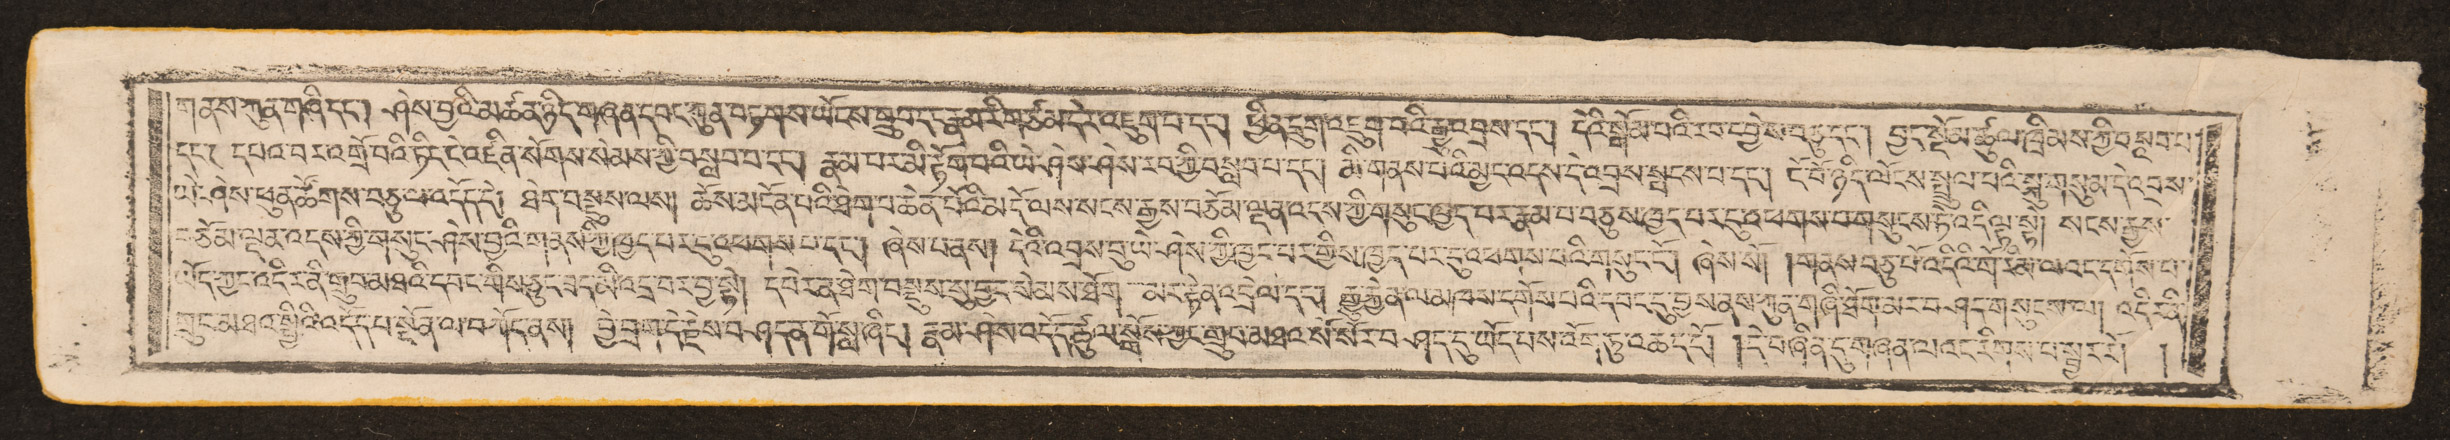གནས་ཀུན་གཞི་དང་། ཤེས་བྱའི་མཚན་ཉིད་གཞན་དབང་ཀུན་བཏགས་ཡོངས་གྲུབ་དང་རྣམ་རིག་ཙམ་དེར་འཇུག་པ་དང་། ཕྱིན་དྲུག་འཇུག་པའི་རྒྱུ་འབྲས་དང་། དེའི་སྒོམ་པའི་རབ་དབྱེས་བཅུ་དང་། བྱང་སྡོམ་ཚུལ་ཁྲིམས་ཀྱི་བསླབ་པ་
དང༑ དབའ་བར་འགྲོ་བའི་ཏིང་ངེ་འཛིན་སོགས་སེམས་ཀྱི་བསླབ་པ་དང་། རྣམ་པར་མི་རྟོག་པའི་ཡེ་ཤེས་ཤེས་རབ་ཀྱི་བསླབ་པ་དང་། མི་གནས་པའི་མྱང་འདས་དེ་འབྲས་སྤངས་བ་དང་། ངོ་བོ་ཉིད་ལོངས་སྤྲུལ་པའི་སྐུ་གསུམ་དེ་འབྲས་
ཡེ་ཤེས་ཕུན་ཚོགས་བཅུར་འདོད་དེ། ཐེག་བསྡུས་ལས། ཆོས་མངོན་པའི་ཐེག་པ་ཆེན་པོའི་མདོ་ལས་སངས་རྒྱས་བཅོམ་ལྡན་འདས་ཀྱི་གསུང་ཁྱད་པར་རྣམ་པ་བཅུས་ཁྱད་པར་དུ་འཕགས་པ་གསུངས་ཏེ་འདི་ལྟ་སྟེ། སངས་རྒྱས་
བཅོམ་ལྡན་འདས་ཀྱི་གསུང་ཤེས་བྱའི་གནས་ཀྱི་ཁྱད་པར་དུ་འཕགས་པ་དང་། ཞེས་པ་ནས། དེའི་འབྲས་བུ་ཡེ་ཤེས་ཀྱི་ཁྱད་པར་གྱིས་ཁྱད་པར་དུ་འཕགས་པའི་གསུང་ངོ། ཞེས་སོ། །གནས་བཅུ་པོ་འདིའི་གོ་རིམ་ལའང་དགོས་པ་
ཡོད་ཀྱང་འདིར་ནི་གྲུབ་མཐའི་དབང་གིས་ཅུང་ཟད་མི་འདྲ་བར་བྱ་སྟེ། དཔེར་ན་ཐེག་པ་སྡུས་སུ་བྱང་སེམས་ཐོག་མར་རྟེན་འདྲེལ་དང་། རྒྱུ་རྐྱེན་ལ་མཁས་དགོས་པའི་དབང་དུ་བྱས་ནས་ཀུན་གཞི་ཐོག་མར་བཤང་གསུངས་ལ། འདིར་ནི་
གྲུབ་མཐའ་སྤྱིའི་འདོད་པ་སྔོན་ལ་བཀོད་ནས། བྱེ་བྲག་དེ་རྗེས་བཤད་ན་གོ་སླ་ཞིང་། རྣམ་ཤེས་འདོད་ཚུལ་སྒོས་ཀྱང་གྲུབ་མཐའ་སོ་སོར་བཤད་དུ་ཡོད་པས་འོག་ཏུ་འཆད་དོ། །དེ་བཞིན་དུ་གཞན་ལའང་རིགས་པ་སྦྱར་རོ། །